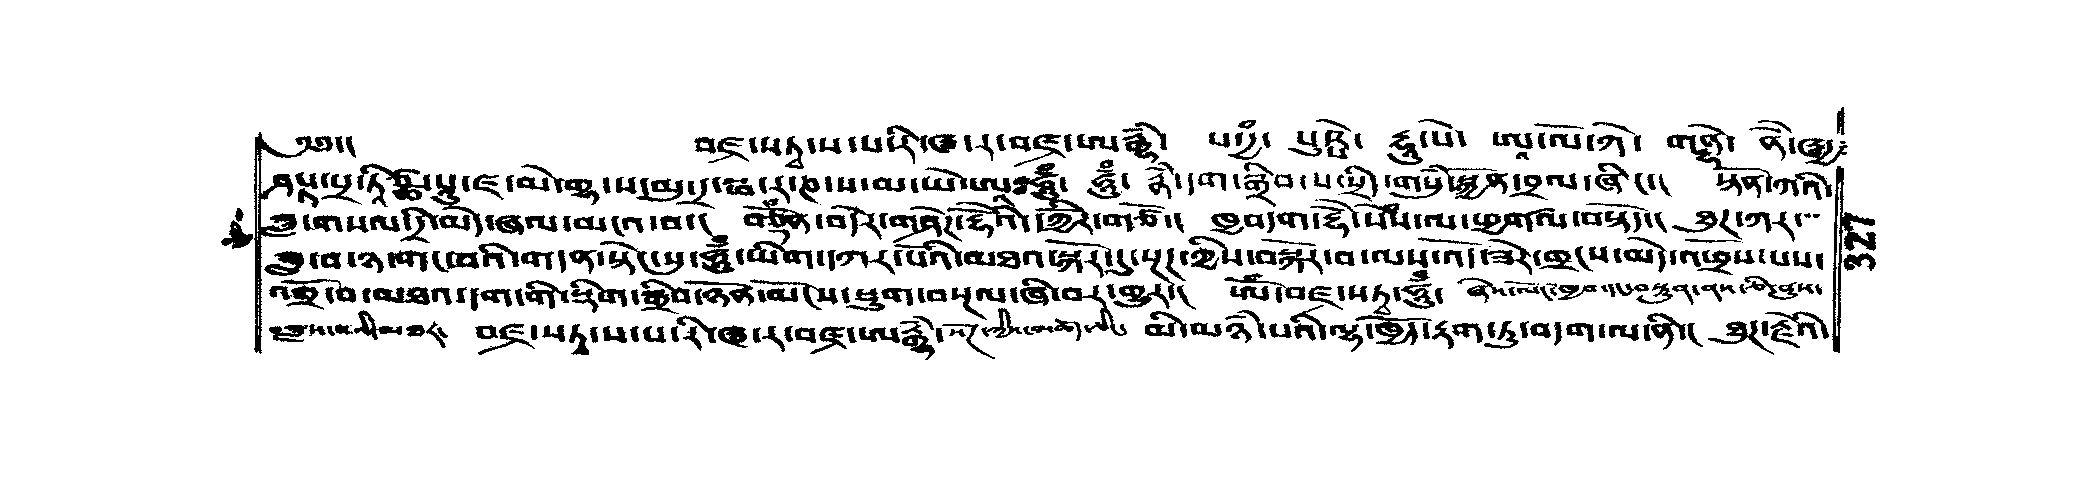བཛྲ་ས་ཏྭ་ས་པ་རི་ཝ་ར་ཨརྒྷཾ། པཱ་དྱཾ། པུཥྤེ། དྷུ་པེ། ཨ་ལོ་ཀེ། གནྡྷེ། ནཻ་ཝི་དྱ། 
ཤསྡ་པྲ་ཏཱི་ཙྪ་པཱུ་ཛ་མེ་གྷ་ས་མུ་དྲ་སྥ་ར་ཎ་ས་མ་ཡ་ཨཱཿཧཱུྃ། ཧཱུྃ། རྣམ་དག་སྒྲིབ་པ་སྲིད་གསུམ་སྐྱོན་བྲལ་ཞིང་། །སྟོན་ཀའི་
ཟླ་གསལ་དྲི་མེད་ཞལ་མངའ་བ། །བཅོམ་ལྡན་བདེ་གཤེགས་རྡོ་རྗེ་དཀྱིལ་འཁོར་གཙོ། །ཁྱབ་བདག་རྡོ་རྗེ་སེམས་ལ་ཕྱག་འཚལ་བསྟོད། །ཐུགས་ཀར་
ཟླ་བ་ཉ་གང་བའི་གདད་སྟེང་དུ་ཧཱུྃ་ཡིག་དཀར་པོའི་མཐའ་སྐོར་དུ་སྔགས་ཀྱིས་བསྐོར་བ་ལས་འོད་ཟེར་གྲངས་མེད་འཕྲོས་པས་
འགྲོ་བ་མཐའ་དག་གི་སྡིག་སྒྲིབ་ཉོན་མོངས་སྡུག་བསྔལ་ཞི་བར་གྱུར། ཨོཾ་བཛྲ་སཏྭ་ཧཱུྃ། ཞེས་ལོང་ཁྱབ་དང་བསྟུན་ནས་ཅི་ནུས་
བཟླས་པའི་མཐར། བཛྲ་སརཝ་ས་པ་རི་ཝ་ར་བཛྲ་ཨརྒྷཾ་སོགས་ཀྱིས་མཆོད་ཅིང་། མི་རྟོག་མཉམ་པའི་ལྷ་ཁྱོད་རྟག་ཏུ་བདག་ལ་ནི། །ཐུགས་རྗེའི་